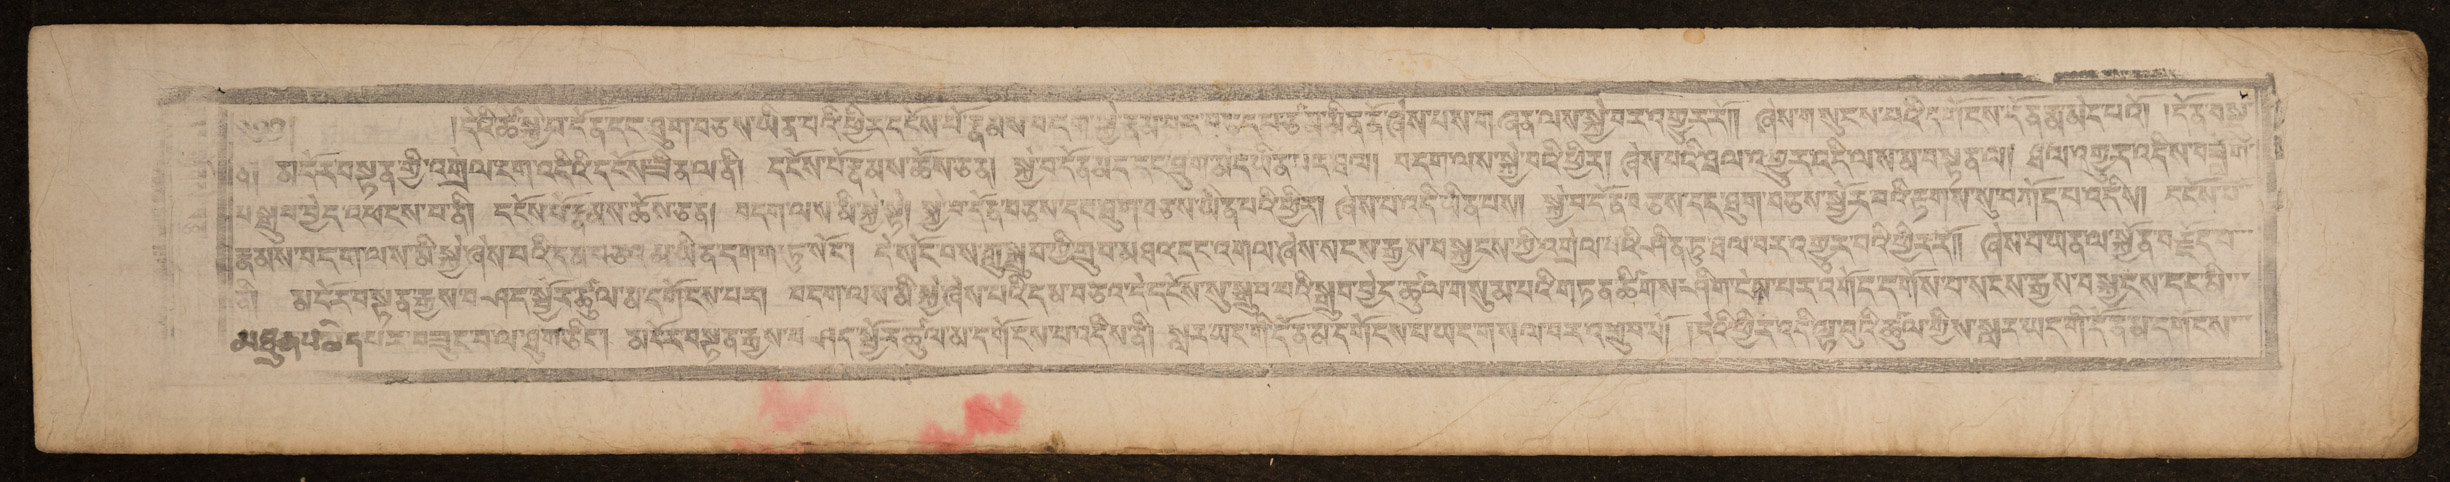༄༅། །དེའི་ཚེ་སྐྱེ་བ་དོན་དང་ཐུག་བཅས་ཡིན་པའི་ཕྱིར་དངོས་པོ་རྣམས་བདག་སྐྱེ་རྣམ་པར་བཅད་པ་ཙམ་མིན་ནོ་ཞེས་པས་གཞན་ལས་སྐྱེ་བར་འགྱུར་རོ། །ཞེས་གསུངས་པའི་དགོངས་དོན་རྨ་མེད་པའོ། །དོན་བསྡུ་
ན༑ མདོར་བསྟན་གྱི་འགྲེལ་ངག་འདིའི་དངོས་ཟིན་ལ་ནི། དངོས་པོ་རྣམས་ཆོས་ཅན། སྐྱེ་བ་དོན་མེད་དང་ཐུག་མེད་ཡིན་པར་ཐལ། བདག་ལས་སྐྱེ་བའི་ཕྱིར། ཞེས་པའི་ཐལ་འགྱུར་འདི་ལས་མ་བསྟན་ལ། ཐལ་འགྱུར་འདིས་བཟློག་
པ་སྒྲུབ་བྱེད་འཕངས་པ་ནི། དངོས་པོ་རྣམས་ཆོས་ཅན། བདག་ལས་མི་སྐྱེ་སྟེ། སྐྱེ་བ་དོན་བཅས་དང་ཐུག་བཅས་ཡིན་པའི་ཕྱིར། ཞེས་པ་འདི་ཡིན་པས། སྐྱེ་བ་དོན་བཅས་དང་ཐུག་བཅས་སྦྱོར་བའི་རྟགས་སུ་བཀོད་པ་འདིས། དངོས་པོ་
རྣམས་བདག་ལས་མི་སྐྱེ་ཞེས་པའི་དམ་བཅའ་མ་ཡིན་དགག་ཏུ་སོང་། དེ་སོང་བས་ཀླུ་སྒྲུབ་ཀྱི་གྲུབ་མཐའ་དང་འགལ་ཞེས་སངས་རྒྱས་བསྐྱངས་ཀྱི་འགྲེལ་པའི་ཤིན་ཏུ་ཐལ་བར་འགྱུར་བའི་ཕྱིར་རོ། །ཞེས་པ་ཡན་ལ་སྐྱོན་བརྗོད་པ་
ནི༑ མདོར་བསྟན་རྒྱས་བཤད་སྦྱོར་ཚུལ་མ་དགོངས་པར། བདག་ལས་མི་སྐྱེ་ཞེས་པའི་དམ་བཅའ་དེ་དངོས་སུ་སྒྲུབ་པའི་སྒྲུབ་བྱེད་ཚུལ་གསུམ་པའི་གཏན་ཚིགས་ཤིག་ངེས་པར་འགོད་དགོས་པ་སངས་རྒྱས་བསྐྱངས་དང་མི་
མཐུན་པ་མེད་པར་བཟུང་བ་ལ་ཐུག་ཅིང་། མདོར་བསྟན་རྒྱས་བཤད་སྦྱོར་ཚུལ་མ་དགོངས་པ་འདིས་ནི། སླར་ཡང་གི་དོན་མ་དགོངས་པ་ཡང་གསལ་བར་འགྲུབ་བོ། །དེའི་ཕྱིར་འདི་ལྟ་བུའི་ཚུལ་གྱིས་སླར་ཡང་གི་དོན་མ་དགོངས་